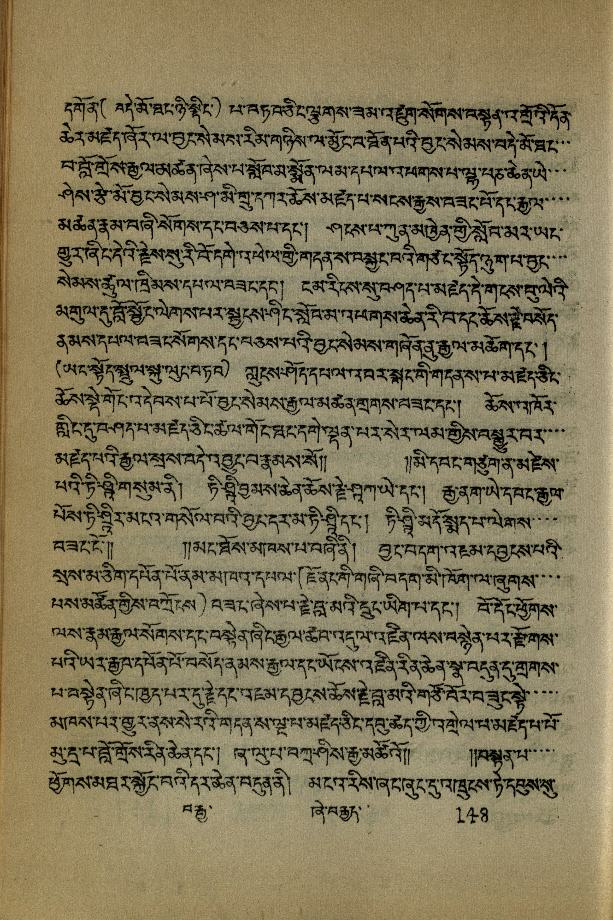དགོན་བདེ་མོ་ཐང་ཉི་སྡིང་པ་བཏབ་ཅིང་ལྕགས་ཟམ་འཛུག་སོགས་བསྟན་འགྲོའི་དོན་
ཆེར་མཛད་ཞོར་ལ་བྱང་སེམས་རིམ་གཉིས་ལ་མྱོང་བ་ཐོན་པའི་བྱང་སེམས་བདེ་མོ་ཐང་
བ་བློ་གྲོས་རྒྱལ་མཚན་ཞེས་པ་སློབ་མ་སྨོན་ལམ་དཔལ་འཕགས་པ་ལྷ་པཎ་ཆེན་ཡེ་
ཤེས་རྩེ་མོ་བྱང་སེམས་ཤ་མི་གྲུ་དཀར་ཆོས་མཛད་པ་སངས་རྒྱས་བཟང་པོ་དང་རྒྱལ་
མཚན་རྣམ་བཞི་སོགས་དང་བཅས་པ་དང་། ཤངས་པ་ཀུན་མཁྱེན་གྱི་སློབ་མར་ཡང་
གྱུར་ཞིང་དེའི་རྗེས་སུ་རི་བོ་དགེ་འཕེལ་གྱི་གདན་ས་བསྐྱང་བའི་གཙང་སྟོད་ཉུག་པ་བྱང་
སེམས་ཚུལ་ཁྲིམས་དཔལ་བཟང་དང་། ངམ་རིངས་སུ་བཤད་པ་མཛད་དེ་གངས་བུ་ལེའི་
མགུལ་དུ་བློ་སྦྱོང་ལེགས་པར་སྦྱངས་ཤིང་སློབ་མ་འཕགས་ཆེན་རི་བ་དང་ཆོས་རྗེ་བསོད་
ནམས་དཔལ་བཟང་སོགས་དང་བཅས་པའི་བྱང་སེམས་གཞོན་ནུ་རྒྱལ་མཆོག་དང་།
ཡང་སྟོད་སྤྲུལ་སྐུ་ལུང་བཏབ་ཀླུངས་ཤོད་དཔལ་འབར་སྐང་གི་གདན་ས་པ་མཛད་ཅིང་
ཆོས་སྡེ་གོང་འདེབས་པ་པོ་བྱང་སེམས་རྒྱལ་མཚན་གྲགས་བཟང་དང་། ཆོས་འཁོར་
གླིང་དུ་བཤད་པ་མཛད་ཅིང་ཚལ་གོང་ཐང་དགེ་ལྡན་པར་སེར་ལམ་གྱིས་བསྒྱུར་བར་
མཛད་པའི་རྒྱལ་སྲས་བདེ་འབྱུང་བ་རྣམས་སོ།། །།མི་དབང་གཙུག་ན་མཛེས་
པའི་ཏི་ཤྲཱི་གསུམ་ནི། ཏི་ཤྲཱི་བྱམས་ཆེན་ཆོས་རྗེ་ཤཱཀ་ཡེ་དང་། རྒྱ་ནག་ཡེ་དབང་རྒྱལ་
པོས་ཏི་ཤྲཱིར་མངའ་གསོལ་བའི་བྱང་དར་མ་ཏི་ཤྲཱི་དང་། ཏི་ཤྲཱི་མདོ་སྨད་པ་ལེགས་
བཟང་ངོ།། །།མང་ཐོས་མཁས་པ་བཞི་ནི། བྱང་བདག་འཇམ་དབྱངས་པའི་
སྲས་མ་ཅིག་དཔོན་པོ་ནམ་མཁའ་དཔལ་ཇོ་ནང་གི་གཞི་བདག་མི་ཁོག་ལ་ཞུགས་
པས་མཚོན་གྱིས་བཀྲོངས་བཟང་ཞེས་པ་རྗེ་བླ་མའི་དྲུང་ཡིག་པ་དང་། བོ་དོང་ཕྱོགས་
ལས་རྣམ་རྒྱལ་སོགས་དང་བསྟེན་ཞིང་རྒྱལ་ཚབ་འདུལ་འཛིན་ལས་བསྙེན་པར་རྫོགས་
པའི་ཡར་རྒྱབ་དཔོན་པོ་བསོད་ནམས་རྒྱལ་དང་ཡོངས་འཛིན་རིན་ཆེན་སྣ་བདུན་དུ་གྲགས་
པ་བསྟེན་ཞིང་ཁྱད་པར་དུ་རྗེ་དང་འཇམ་དབྱངས་ཆོས་རྗེ་བླ་མའི་གཙོ་བོར་བཟུང་སྟེ་
མཁས་པར་གྱུར་ནས་སེ་རའི་གདན་ས་ལྔ་པ་མཛད་ཅིང་དབུ་ཚད་ཀྱི་འགྲེལ་པ་མཛད་པ་པོ་
མུ་དྲ་པ་བློ་གྲོས་རིན་ཆེན་དང་། ཞ་ལུ་པ་བཀྲ་ཤིས་རྒྱ་མཚོའོ།། །།བསྟན་པ་
ཕྱོགས་མཐར་སྐྱོང་བའི་དར་ཆེན་བདུན་ནི། མངའ་རིས་ཞང་ཞུང་དུ་འཁྲུངས་ཏེ་དབུས་སུ་